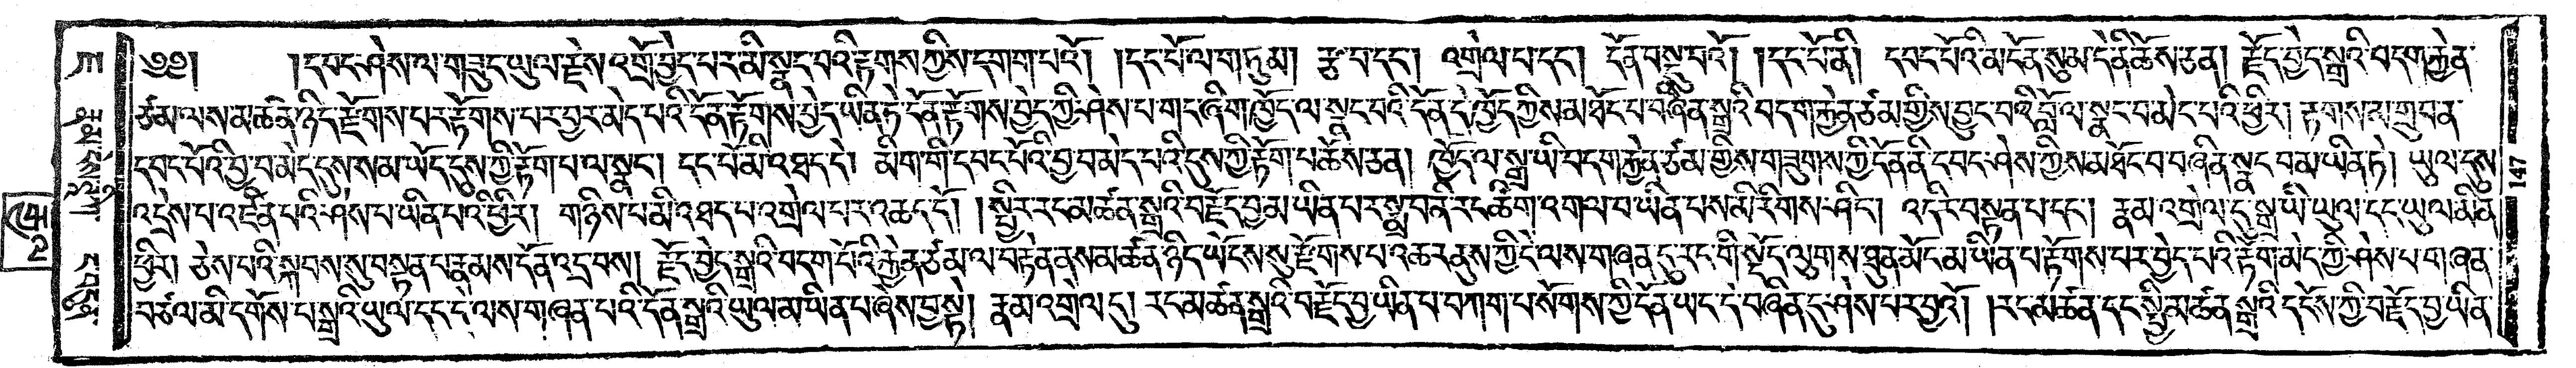༄༅། །དབང་ཤེས་ལ་གཟུང་ཡུལ་རྗེས་འགྲོ་བྱེད་པར་མི་སྣང་བའི་རྟགས་ཀྱིས་དགག་པའོ། །དང་པོ་ལ་གཏུམ། རྩ་བ་དང་། འགྲེལ་པ་དང་། དོན་བསྡུ་བའོ། །དང་པོ་ནི། དབང་པོའི་མངོན་སུམ་དེ་ནི་ཆོས་ཅན། རྗོད་བྱེད་སྒྲའི་བདག་རྐྱེན་
ཙམ་ལས་མཚན་ཉིད་རྫོགས་པར་རྟོགས་པར་བྱར་མེད་པའི་དོན་རྟོགས་བྱེད་ཡིན་ཏེ་དོན་རྟོགས་བྱེད་ཀྱི་ཤེས་པ་གང་ཞིག་ཁྱོད་ལ་སྣང་བའི་དོན་དེ་ཁྱོད་ཀྱིས་མཐོང་བ་བཞིན་སྒྲའི་བདག་རྐྱེན་ཙམ་གྱིས་བྱུང་བའི་བློ་ལ་སྣང་བ་མེད་པའི་ཕྱིར། རྟགས་མ་གྲུབ་ན་
དབང་པོའི་བྱ་བ་མེད་དུས་སམ་ཡོད་དུས་ཀྱི་རྟོག་པ་ལ་སྣང་། དང་པོ་མི་འཐད་དེ། མིག་གི་དབང་པོའི་བྱ་བ་མེད་པའི་དུས་ཀྱི་རྟོག་པ་ཆོས་ཅན། ཁྱོད་ལ་སྒྲ་ཡི་བདག་རྐྱེན་ཙམ་གྱིས་གཟུགས་ཀྱི་དོན་ནི་དབང་ཤེས་ཀྱིས་མཐོང་བ་བཞིན་སྣང་བ་མ་ཡིན་ཏེ། ཡུལ་དུས་
འདྲེས་པ་འཛིན་པའི་ཤེས་པ་ཡིན་པའི་ཕྱིར། གཉིས་པ་མི་འཐད་པ་འགྲེལ་པར་འཆད་དོ། །སྤྱིར་རང་མཚན་སྒྲའི་བརྗོད་བྱ་མ་ཡིན་པར་སྨྲ་བ་ནི་རང་ཚིག་འགལ་བ་ཡིན་པས་མི་རིགས་ཤིང་། འདིར་བསྟན་པ་དང་། རྣམ་འགྲེལ་དུ་སྒྲ་ཡི་ཡུལ་དང་ཡུལ་མིན་
ཕྱིར། ཅེས་པའི་སྐབས་སུ་བསྟན་པ་རྣམས་དོན་འདྲ་བས། རྗོད་བྱེད་སྒྲའི་བདག་པོའི་རྐྱེན་ཙམ་ལ་བརྟེན་ནས་མཚན་ཉིད་ཡོངས་སུ་རྫོགས་པ་འཆར་ནུས་ཀྱི་དེ་ལས་གཞན་དུ་རང་གི་སྡོད་ལུགས་ཐུན་མོང་མ་ཡིན་པ་རྟོགས་པར་བྱེད་པའི་རྟོག་མེད་ཀྱི་ཤེས་པ་གཞན་
བཙལ་མི་དགོས་པ་སྒྲའི་ཡུལ་དང་དེ་ལས་གཞན་པའི་དོན་སྒྲའི་ཡུལ་མ་ཡིན་པ་ཞེས་བྱ་སྟེ། རྣམ་འགྲེལ་དུ། རང་མཚན་སྒྲའི་བརྗོད་བྱ་ཡིན་པ་བཀག་པ་སོགས་ཀྱི་དོན་ཡང་དེ་བཞིན་དུ་ཤེས་པར་བྱའོ། །རང་མཚན་དང་སྤྱི་མཚན་སྒྲའི་དངོས་ཀྱི་བརྗོད་བྱ་ཡིན་